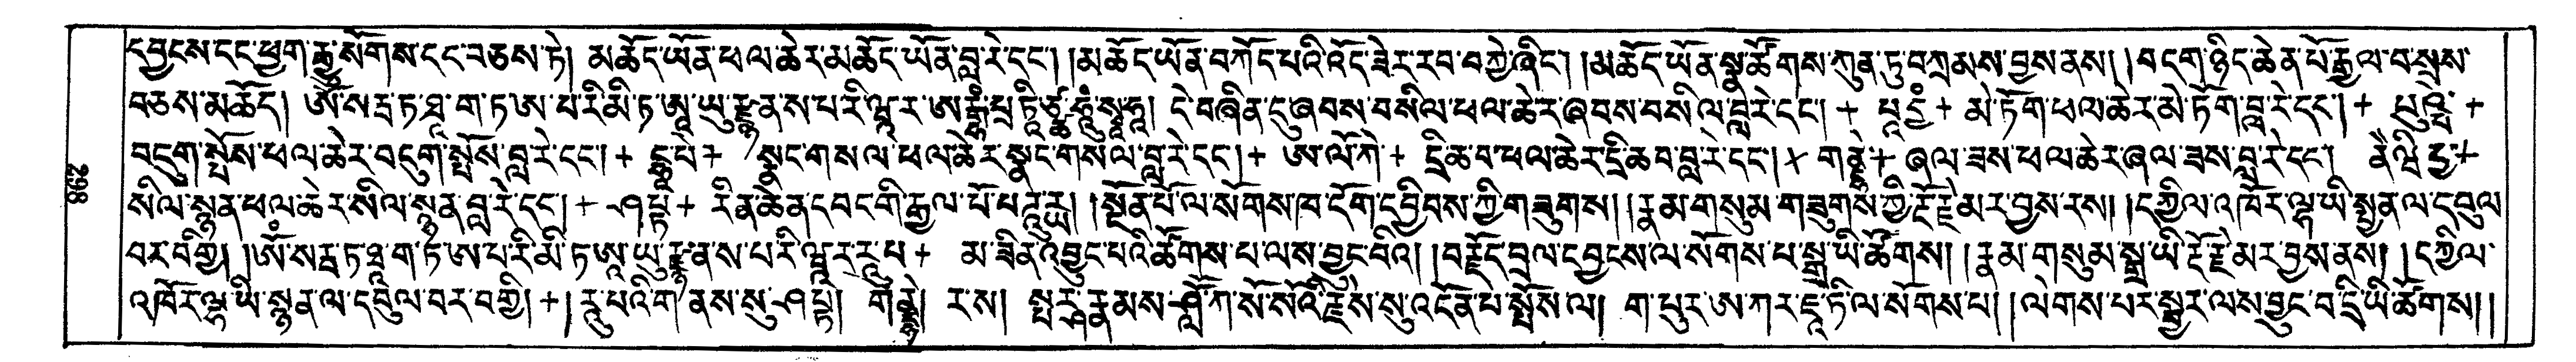དབྱངས་དང་ཕྱག་རྒྱ་སོགས་དང་བཅས་ཏེ། མཆོད་ཡོན་ཕལ་ཆེར་མཆོད་ཡོན་བླ་རེ་དང་། །མཆོད་ཡོན་བཀོད་པའི་འོད་ཟེར་རབ་བཀྱེ་ཞིང་། །མཆོད་ཡོན་སྣ་ཚོགས་ཀུན་ཏུ་བཀྲམས་བྱས་ནས། །བདག་ཉིད་ཆེན་པོ་རྒྱལ་བ་སྲས་
བཅས་མཆོད། ཨོཾ་སརྦ་ཏ་ཐཱ་ག་ཏ་ཨ་པ་རི་མི་ཏ་ཨཱ་ཡུརྫྙཱ་ནས་པ་རི་ཝཱ་ར་ཨརྒྷཾ་པྲ་ཏཱིཙྪ་ཧཱུཾ་སྭཱཧཱ། དེ་བཞིན་དུ་ཞབས་བསིལ་ཕལ་ཆེར་ཞབས་བསིལ་བླ་རེ་དང་། པཱ་དྱཾ་མེ་ཏོག་ཕལ་ཆེར་མེ་ཏོག་བླ་རེ་དང་། པུཥྤེ་
བདུག་སྦོས་ཕལ་ཆེར་བདུག་སྤོས་བླ་རེ་དང་། དྷཱུ་པེ་སྣང་གསལ་ཕལ་ཆེར་སྣང་གསལ་བླ་རེ་དང་། ཨཱ་ལོ་ཀེ་དྲི་ཆབ་ཕལ་ཆེར་དྲི་ཆབ་བླ་རེ་དང་། གནྡྷེ་ཞལ་ཟས་ཕལ་ཆེང་ཞལ་ཟས་བླ་རེ་དང་། ནཻ་ཝི་དྱ་
སིལ་སྙན་ཕལ་ཆེར་སིལ་སྙན་བླ་རེ་དང་། ཤཔྟ་རིན་ཆེན་དབང་གི་རྒྱལ་པོ་བཻཌཱུརྱ། །སྔོན་པོ་ལ་སོགས་ཁ་དོག་དབྱི་བས་ཀྱི་གཟུགས། །རྣམ་གསུམ་གཟུགས་ཀྱི་རྡོ་རྗེ་མར་བྱས་ནས། །དཀྱིལ་འཁོར་ལྷ་ཡི་སྤྱན་ལ་དབུལ་
བར་བགྱི། །ཨོཾ་སརྦ་ཏ་ཐཱ་ག་ཏ་ཨ་པ་རི་མི་ཏ་ཨཱ་ཡུ་རྫྙཱ་ན་ས་པ་རི་ཝཱ་ར་རཱུ་པ་མ་ཟིན་འབྱུང་བའི་ཚོགས་པ་ལས་བྱུང་བའི། །བརྗོད་བྲལ་དབྱངས་ལ་སོགས་པ་སྒྲ་ཡི་ཚོགས། །རྣམ་གསུམ་སྒྲ་ཡི་རྡོ་རྗེ་མར་བྱས་ནས། །དཀྱིལ་
འཁོར་ལྷ་ཡི་སྙན་ལ་དབུལ་བར་བགྱི། །རཱུ་པའི་གནས་སུ་ཤཔྟ། གནྡྷེ། ར་ས། སྤ་རྴ་རྣམས་ཤླཽ་ཀ་སོ་སོའི་རྗེས་སུ་འདོན་པ་སྤོས་ལ། ག་པུར་ཨ་ཀར་ཛཱ་ཏི་ལ་སོགས་པ། །ལེགས་པར་སྦྱར་ལས་བྱུང་བའི་དྲི་ཡི་ཚོགས།།